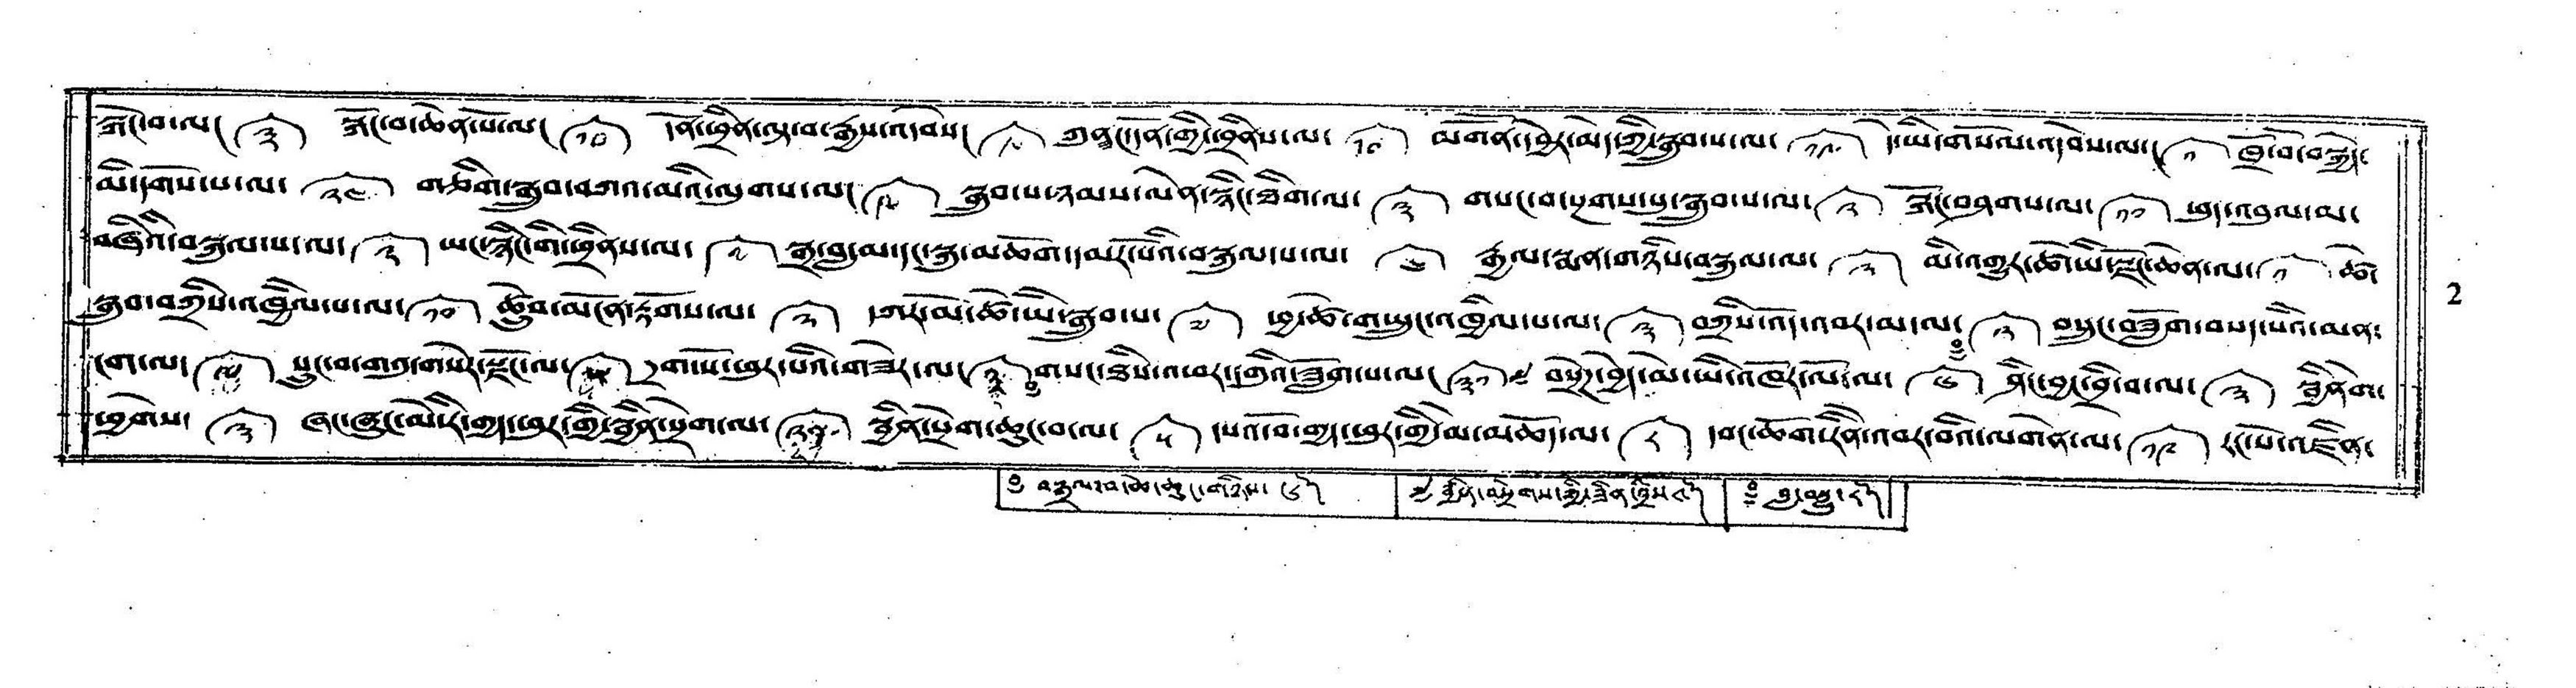སྐོང་བ་ལ། ༼༣༽ སྐོང་བ་ཆེན་པོ་ལ། ༼༡༠༽ དོན་ཕྲིན་ལྟ་བ་རྒྱས་འདེབས། ༼༩༽ ཀུན་བཟང་དོན་གྱི་ཕྲིན་ལས་ལ། ༼༡༠༽ མགོན་པོ་དབྱེར་མེད་ཀྱི་སྒྲུབ་པ་ལ། ༼༡༩༽ དེ་ཡི་གསོལ་འདེབས་ལ། ༼༡༽ ཁྲོ་བོ་བསྐྱེད་
མི་དགོས་པ་ལ། ༼༢༤༽ གཅིག་སྒྲུབ་བཀའ་མའི་ལུགས་ལ། ༼༩༽ སྒྲུབ་པ་ཉམས་ལེན་སྙིང་ཐིག་ལ། ༼༣༽ གསང་བ་སྔགས་སུ་སྒྲུབ་པ་ལ། ༼༢༽ སྐོང་བཤགས་ལ། ༼༡༡༽ ཕུད་འབུལ་མ་
བཞིའི་བསྐུལ་པ་ལ། ༼༢༽ ཡང་སྙིང་གི་ཕྲིན་ལས་ལ། ༼༧༽ སྒྲ་བླ་མ་དང་སྐུ་མཆོག་དམར་པོའི་བསྐུལ་པ་ལ། ༼༤༽ རྒྱལ་སྨན་གཉིས་བསྐུལ་པ་ལ། ༼༣༽ མི་འགྱུར་ཚེ་ཡི་རྫོངས་ཆེན་ལ། ༼༡༠༽ ཚེ་
སྒྲུབ་བཀྲ་ཤིས་འཁྱིལ་པ་ལ། ༼༡༠༽ ཚེ་སྒྲུབ་མངོན་རྟོགས་ལ། ༼༢༽ དཀར་མོ་ཚེ་ཡི་སྒྲུབ་པ། ༼༧༽ ཕྱ་ཚེ་གཡུང་དྲུང་འཁྱིལ་པ་ལ། ༼༣༽ བཀྲ་ཤིས་འོད་འབར་མ་ལ། ༼༢༽ བླ་བསླུ། ༼༨༽ བསྲུང་བཟློག་བསད་པའི་མན་
ངག་ལ། ༼༧༽ སྲུང་བ་གའུ་གསེར་རྫོངས་ལ། ༼༽ དྲག་པོ་ཕུར་པའི་གཟེར་ལ། ༼༣༽ བསྒྲལ་བ་ཆེ་ཆུང་གཉིས ༼༦༽ གསང་ཐིས་འཕར་དགུའི་ཟློག་པ་ལ། ༼༣༡༽ སྦྱིན་བསྲེགས་ཀྱི་ཟིན་བྲིས ༼༤༽ ?]བསྲེགས་བྱེད་མེ་ཡི་འཁོར་ལོ་ལ། ༼༦༽ [?]ཤིང་བྱང་བྲི་བ་ལ། ༼༣༽ སྦྱིན་སྲེག་
ཕྱག་བཞེས། ༼༣༽ ཞང་ཞུང་མེ་རི་གྱད་ཕུར་གྱི་སྦྱིན་སྲེག་ལ། ༼༩་་༽ སྦྱིན་སྲེག་ཆུང་བ་ལ། ༼༥༽ དཔའ་བོ་གྱད་ཕུར་གྱི་མེ་མཆོད་ལ། ༼༨༽ དབང་ཆོག་རིན་ཆེན་འབར་བའི་ལག་ལེན་ལ། ༼༡༩༽ རང་སོ་འཛིན་